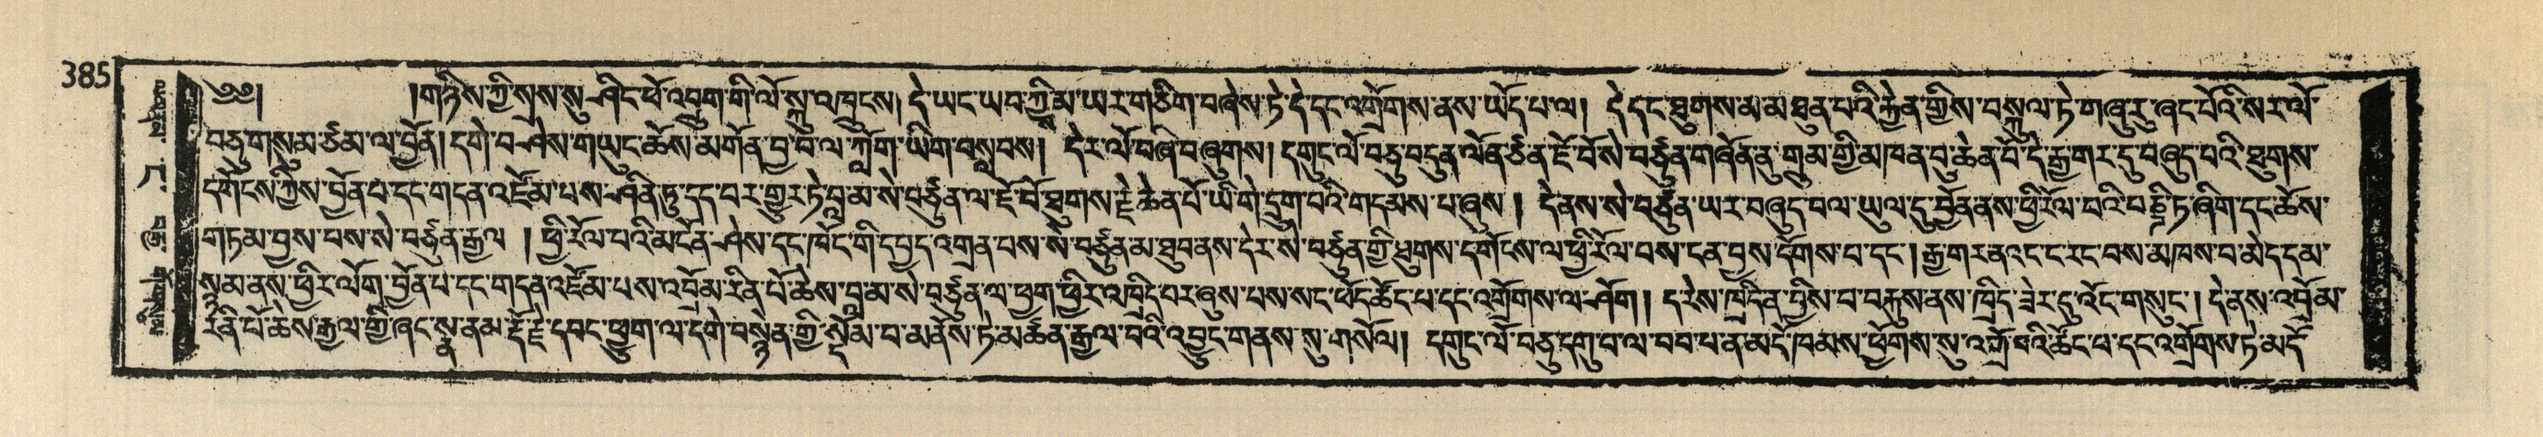༄༅། །གཉིས་ཀྱི་སྲས་སུ་ཤིང་ཕོ་འབྲུག་གི་ལོ་སྐུ་འཁྲུངས། དེ་ཡང་ཡབ་ཀྱིས་མ་ཡར་གཅིག་བཞེས་ཏེ་དེ་དང་འགྲོགས་ནས་ཡོད་པ་ལ། དེ་དང་ཐུགས་མ་མཐུན་པའི་རྐྱེན་གྱིས་བསྐུལ་ཏེ་གཞུ་རུ་ཞང་པོའི་སར་ལོ་
བཅུ་གསུམ་ཙམ་ལ་བྱོན། དགེ་བ་ཤེས་གཡུང་ཆོས་མགོན་བྱ་བ་ལ་ཀློག་ཡིག་བསླབས། དེར་ལོ་བཞི་བཞུགས། དགུང་ལོ་བཅུ་བདུན་ལོན་ཙ་ན་ཇོ་བོ་སེ་བཙུན་གཞོན་ནུ་གྲུམ་གྱི་མཁན་བུ་ཆེན་བོ་དེ་རྒྱ་གར་དུ་བཞུད་པའི་ཐུགས་
དགོངས་ཀྱིས་བྱོན་པ་དང་གདན་འཛོམ་པས་ཤིན་ཏུ་དད་བར་གྱུར་ཏེ་བླ་མ་སེ་བཙུན་ལ་ཇོ་བོ་ཐུགས་རྗེ་ཆེན་པོ་ཡི་གེ་དྲུག་པའི་གདམས་པ་ཞུས། དེ་ནས་སེ་བཙུན་ཡར་བཞུད་བལ་ཡུལ་དུ་བྱོན་ནས་ཕྱི་རོལ་པའི་པཎྜི་ཏ་ཞིག་དང་ཆོས་
གཏམ་བྱས་བས་སེ་བཙུན་རྒྱལ་།ཕྱི་རོལ་པའི་མངོན་ཤེས་དང་ཁོང་གི་དབྱད་འགྲན་བས་སེ་བཙུན་མ་ཐུབ་ནས་དེར་སེ་བཙུན་གྱི་ཐུགས་དགོངས་ལ་ཕྱི་རོལ་བས་ངན་བྱས་དགོས་བ་དང་། རྒྱ་གར་ནའང་ང་རང་བས་མཁས་བ་མེད་དམ་
སྙམ་ནས་ཕྱིར་ལོག་བྱོན་པ་དང་གདན་འཛོམ་པས་འབྲོམ་རིན་པོ་ཆེས་བླ་མ་སེ་བཙུན་ལ་ཕྱག་ཕྱིར་འཁྲིད་བར་ཞུས་པས་སང་ཕོད་ཚོང་པ་དང་འགྲོགས་ལ་ཤོག། ད་རེས་ཁྲིད་ན་བྱིས་བ་བརྐུས་ནས་ཁྲིད་ཟེར་དུ་འོང་གསུང་། དེ་ནས་འབྲོམ་
རིན་པོ་ཆེས་རྒྱལ་གྱི་ཞང་སྣ་ནམ་རྡོ་རྗེ་དབང་ཕྱུག་ལ་དགེ་བསྙེན་གྱི་སྡོམ་བ་མནོས་ཏེ་མཚན་རྒྱལ་བའི་འབྱུང་གནས་སུ་གསོལ། དགུང་ལོ་བཅུ་དགུ་བ་ལ་བབ་པ་ན་མདོ་ཁམས་ཕྱོགས་སུ་འགྲོ་བའི་ཚོང་བ་དང་འགྲོགས་ཏེ་མདོ་